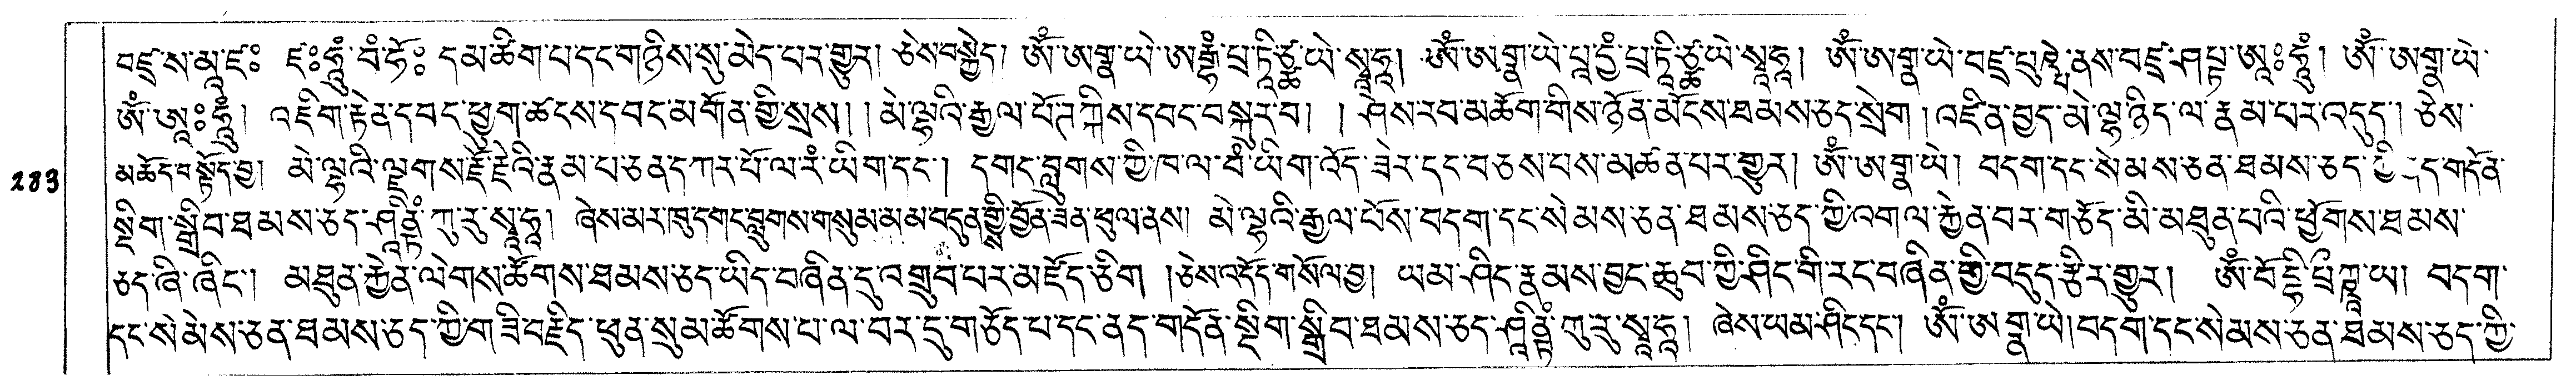བྫྲས་མཱ་ཛཿ ཛཿ ཧཱུཾ་བཾ་ཧོཿ དམ་ཚིག་པ་དང་གཉིས་སུ་མེད་པར་གྱུར། ཅེས་བསྐྱེད། ཨོཾ་ཨགན་ཡེ་ཨརྒྷཾ་པྲ་ཏཱི་ཙྪ་?་ཡེ་སཱ་ཧཱ། ཨོཾ་ཨགན་ཡེ་ཁཱདྱཾ་?་པྲ་ཏཱི་ཙྪ་?་ཡེ་སྭཱཧཱ། ཨོཾ་ཨགན་ཡེ་བྫྲ་པུཥྦེ་ནས་བྫྲ་ཤཔྟ་ཨཱཿ ཧཱུཾ། ཨོཾ་ཨགན་ཡེ་
ཨོཾ་ཨཱཿ ཧཱུཾ། འཇིག་རྟེན་དབང་ཕྱུག་ཚངས་དབང་མགོན་གྱི་སྲས། །མེ་ལྷའི་རྒྱལ་པོ་ཊ་?་སྐིས་དབང་བསྐུར་བ། །ཤེས་རང་མཆོག་གིས་ཉོན་མོངས་ཐམས་ཅད་སྲེག་འཛིན་བྱེད་མེ་ལྷ་ཉིད་ལ་རྣམ་པར་འདུག་ཅེས་
མཆོད་བསྟོད་བྱ། མེ་ལྷའི་སྔགས་རྡོ་རྗེའི་རྣམ་པ་?་ཅན་དཀར་པོ་ལ་རཾ་ཡིག་དང་། ང་གང་བླུགས་ཀྱི་ཁ་ལ་བཾ་ཡིག་འོང་ཟེར་དང་བཅས་པས་མཚན་པར་གྱུར། ཨོཾ་ཨགན་ཡེ། བདག་དང་སེམས་ཅན་ཐམས་ཅད་ཀྱི་ནད་གདོན་
སྡིག་སྒྲིབ་ཐམས་ཅད་ཤཱནྟིཾ་ཀུ་རུ་སྭཱཧཱ། ཞེས་མང་ཁུ་དགང་བླུགས་གསུམ་མམ་བདུན་ཀྱིས་བྱོན་ཟན་ཕུལ་ནས། མེ་ལྷའི་རྒྱལ་པོས་བདག་དང་སེམས་ཅན་ཐམས་ཅད་ཀྱི་འགལ་རྐྱེན་བར་གཅོད་མི་མཐུན་པའི་ཕྱོགས་ཐམས་
ཅད་ཞི་ཞིང་། མཐུན་རྐྱེན་ལེགས་ཚོགས་ཐམས་ཅད་ཡིད་བཞིན་དུ་འགྲུབ་པར་མཛོད་ཅིག་ཅེས་འདོད་གསོལ་བྱ། ཡམ་ཤིང་རྣམས་བྱང་ཆུབ་ཀྱི་ཤིང་གི་རང་བཞིན་གྱི་བདུད་རྩིར་གྱུར། ཨོཾ་བོ་དྷི་བྲྀཌ་ཡ། བདག་
དང་སེམས་ཅན་ཐམས་ཅད་ཀྱི་གཟི་བརྗིད་ཕུན་སུམ་ཚོགས་པ་ལ་བར་དུ་གཅོད་?་པ་?་དང་ནང་?་གདོན་སྡིག་སྒྲིབ་ཐམས་ཅད་ཤཱིནྟཾ་ཀུ་རུ་སྭཱ་ཧཱ། ཞེས་ཡམ་ཤིང་དང་། ཨོཾ་ཨགན་ཡེ། བདག་དང་སེམས་ཅན་ཐམས་ཅད་ཀྱི་